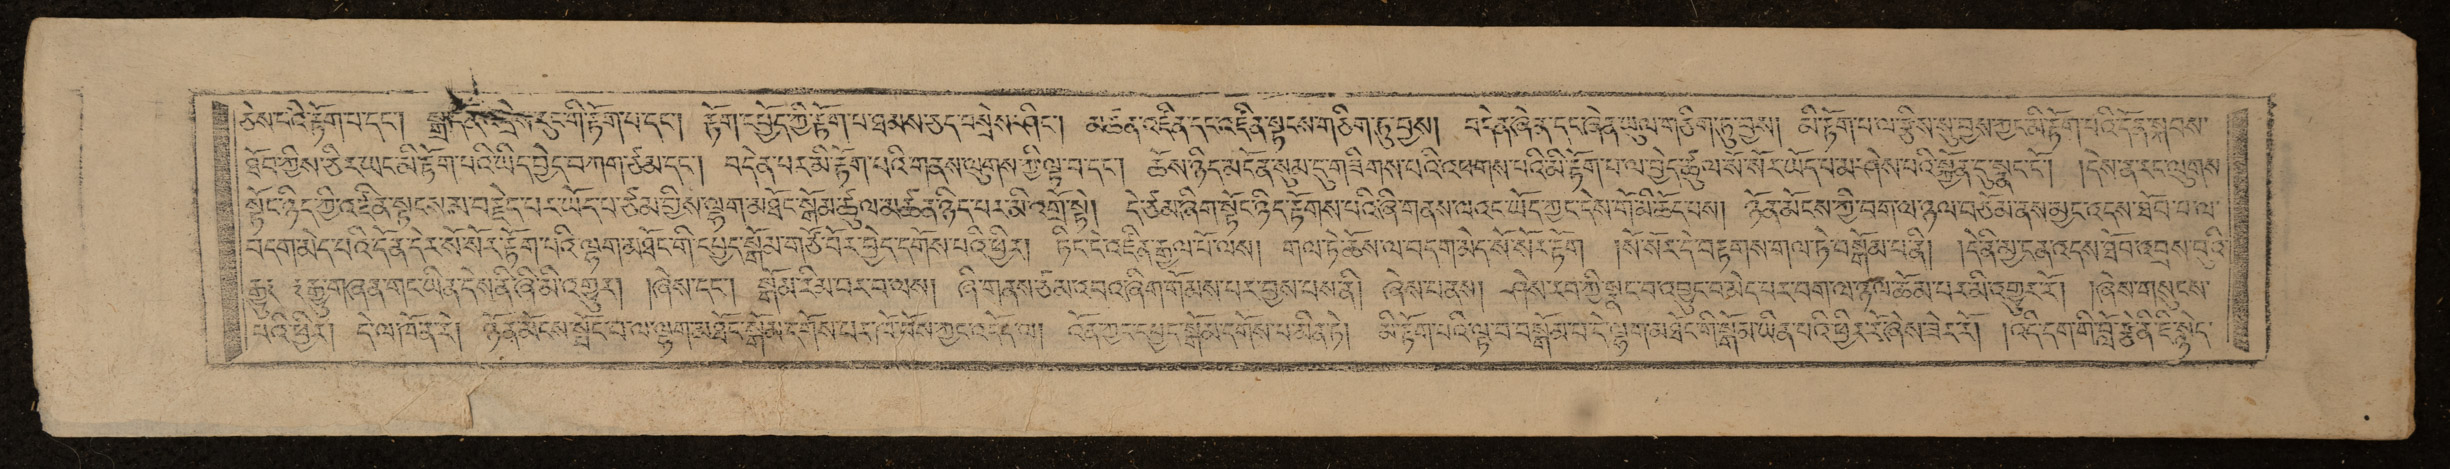ཅེས་པའི་རྟོག་པ་དང་། སྒྲ་དོན་འདྲེས་རུང་གི་རྟོག་པ་དང་། རྟོག་དཔྱོད་ཀྱི་རྟོག་པ་ཐམས་ཅད་བསྲེས་ཤིང་། མཚན་འཛིན་དང་འཛིན་སྟངས་གཅིག་ཏུ་བྱས། བདེན་ཞེན་དང་ཞེན་ཡུལ་གཅིག་ཏུ་བྱས། མི་རྟོག་པ་ལ་རྩིས་སུ་བྱས་ཀྱང་མི་རྟོག་པའི་དོན་སྐབས་
ཐོབ་ཀྱིས་ཅིར་ཡང་མི་རྟོག་པའི་ཡིད་བྱེད་བཀག་ཙམ་དང་། བདེན་པར་མི་རྟོག་པའི་གནས་ལུགས་ཀྱི་ལྟ་བ་དང་། ཆོས་ཉིད་མངོན་སུམ་དུ་གཟིགས་པའི་འཕགས་པའི་མི་རྟོག་པ་ལ་བྱེད་ཚུལ་སོ་སོར་ཡོད་པ་མ་ཤེས་པའི་སྐྱོན་དུ་སྣང་ངོ། །དེས་ན་རང་ལུགས་
སྟོང་ཉིད་ཀྱི་འཛིན་སྟངས་མ་བརྗེད་པར་ཡོད་པ་ཙམ་གྱིས་ལྷག་མཐོང་སྒོམ་ཚུལ་མཚན་ཉིད་པར་མི་འགྲོ་སྟེ། དེ་ཙམ་ཞིག་སྟོང་ཉིད་རྟོགས་པའི་ཞི་གནས་ལའང་ཡོད་ཀྱང་དེས་གོ་མི་ཆོད་པས། ཉོན་མོངས་ཀྱི་བག་ལ་ཉལ་བཅོམ་ནས་མྱང་འདས་ཐོབ་པ་ལ་
བདག་མེད་པའི་དོན་དེར་སོ་སོར་རྟོག་པའི་ལྷག་མཐོང་གི་དཔྱད་སྒོམ་གཙོ་བོར་བྱེད་དགོས་པའི་ཕྱིར། ཏིང་ངེ་འཛིན་རྒྱལ་པོ་ལས། གལ་ཏེ་ཆོས་ལ་བདག་མེད་སོ་སོར་རྟོག །སོ་སོར་དེ་བརྟགས་གལ་ཏེ་བསྒོམ་པ་ན། །དེ་ནི་མྱ་ངན་འདས་ཐོབ་འབྲས་བུའི་
རྒྱུ༑ ༑རྒྱུ་གཞན་གང་ཡིན་དེས་ནི་ཞི་མི་འགྱུར། །ཞེས་དང་། སྒོམ་རིམ་པར་པ་ལས། ཞི་གནས་ཙམ་འབའ་ཞིག་གོམས་པར་བྱས་པས་ནི། ཞེས་པ་ནས། ཤེས་རབ་ཀྱི་སྣང་བ་འབྱུང་བ་མེད་པར་བག་ལ་ཉལ་ཆོམ་བར་མི་འགྱུར་རོ། །ཞེས་གསུངས་
བའི་ཕྱིར། དེ་ལ་ཁོ་ན་རེ། ཉོན་མོངས་སྤོང་བ་ག་ལྷག་མཐོང་སྒོམ་དགོས་པར་ཁོ་བོས་ཀྱང་འདོད་ལ། འོན་ཀྱང་དཔྱད་སྒོམ་དགོས་པ་མིན་ཏེ། མི་རྟོག་པའི་ལྟ་བ་བསྒོམ་པ་དེ་ལྷག་མཐོང་གི་སྒོམ་ཡིན་པའི་ཕྱིར་རོ་ཞེས་ཟེར་རོ། །འདི་དག་གི་བློ་རྩེ་ནི་ཇི་སྙེད་